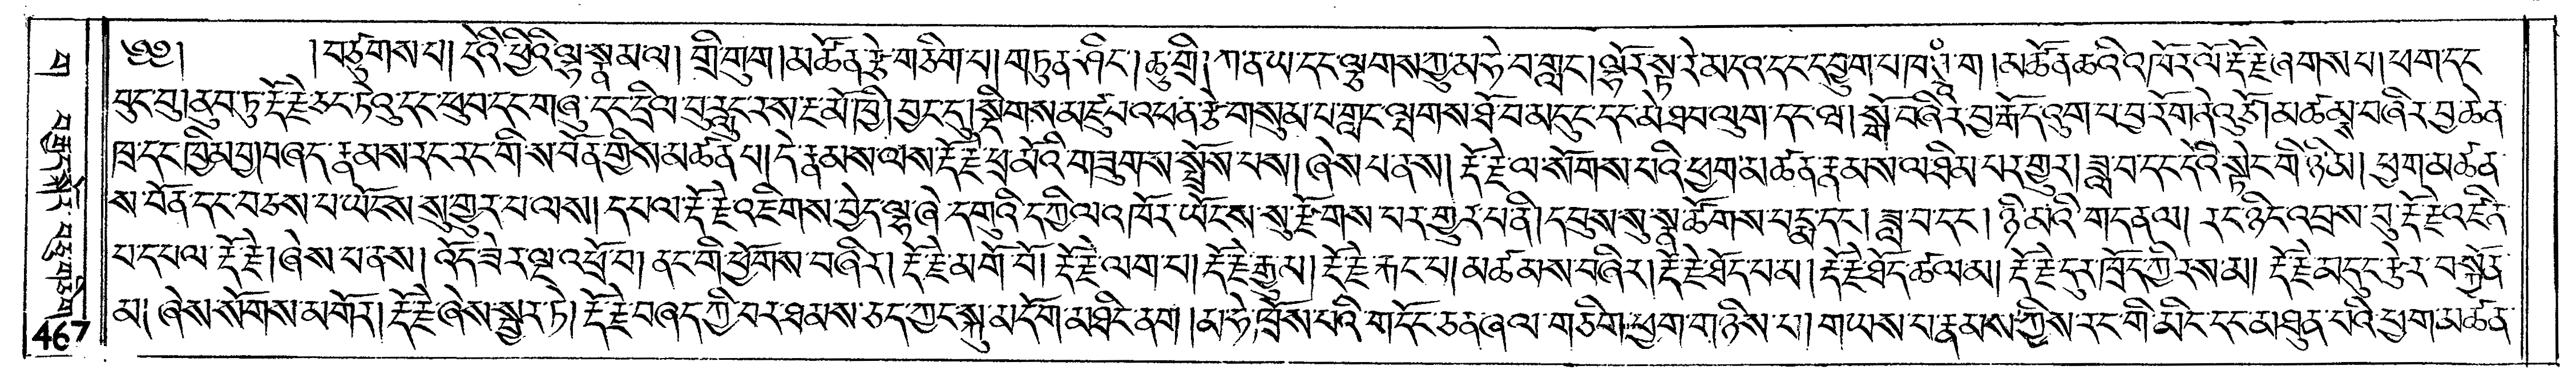༄༅། །བཙུགས་པ། དེའི་ཕྱིའི་ལྷ་སྣམ་ལ། གྲི་གུག །མཚོན་རྩེ་གཅིག་པ། གཏུན་ཤིང་། ཆུ་གྲི། ཀ་ན་ཡ་དང་ལྕགས་ཀྱུ་མ་ཧེ་བ་གླང་། ལྷོར་སྟ་རེ་མདའ་དང་དབྱུག་པ་ཁ་ཊྭཱཾ་ག །མཚོན་ཆའི་འཁོར་ལོ་རྡོ་རྗེ་ཞགས་པ། ཕག་དང་
བུང་བུ། ནུབ་ཏུ་རྡོ་རྗེ་ཅང་ཏེའུ་དང་ཕུབ་དང་གཞུ་དང་དྲིལ་བུ་རླུང་རས་རྔ་མོ་ཁྱི། བྱང་དུ། སྡིགས་མཛུབ་འཕན་རྩེ་གསུམ་པ་གླང་ལྤགས་ཐོ་བ་མདུང་དང་མེ་ཐབ་ལུག་དང་ཝ། སྒོ་བཞིར་བྱ་རྒོད་འུག་པ་བྱ་རོག་ནེའུ་ཙོ། མཚམས་བཞིར་བྱ་ཆེན་
ཁྲ་དང་ཁྱིམ་བྱ། བཞད་རྣམས་རང་རང་གི་ས་བོན་གྱིས་མཚན་པ། དེ་རྣམས་ལས་རྡོ་རྗེ་ཕྲ་མོའི་གཟུགས་སྤྲོས་པས། ཞེས་པ་ནས། རྡོ་རྗེ་ལ་སོགས་པའི་ཕྱག་མཚན་རྣམས་ལ་ཐིམ་པར་གྱུར། ཟླ་བ་དང་དེའི་སྟེང་གི་ཉི་མ། ཕྱག་མཚན་
ས་བོན་དང་བཅས་པ་ཡོངས་སུ་གྱུར་པ་ལས། དཔལ་རྡོ་རྗེ་འཇིགས་བྱེད་ལྷ་ཟྒྷེ་དགུའི་དཀྱིལ་འཁོར་ཡོངས་སུ་རྫོགས་པར་གྱུར་པ་ནི། དབུས་སུ་སྣ་ཚོགས་པདམ་དང་། ཟླ་བ་དང་། ཉི་མའི་གདན་ལ། རང་ཉིད་འབྲས་བུ་རྡོ་རྗེ་འཛིན་
པ་དཔལ་རྡོ་རྗེ། ཞེས་པ་ནས། འོད་ཟེར་ལྔ་འཕྲོ་བ། ནང་གི་ཕྱོགས་བཞིར། རྡོ་རྗེ་མགོ་བོ། རྡོ་རྗེ་ལག་པ། རྡོ་རྗེ་རྒྱུ་མ། རྡོ་རྗེ་རྐང་པ། མཚམས་བཞིར། རྡོ་རྗེ་ཐོད་པ་མ། རྡོ་རྗེ་ཐོད་ཚལ་མ། རྡོ་རྗེ་དུར་ཁྲོད་ཀྱི་རས་མ། རྡོ་རྗེ་མདུང་རྩེར་བསྐྱོན་
མ། ཞེས་སོགས་མགོར། རྡོ་རྗེ་ཞེས་སྦྱར་ཏེ། རྡོ་རྗེ་བཞད་ཀྱི་བར་ཐམས་ཅད་ཀྱང་སྐུ་མདོག་མཐིང་ནག །མ་ཧེ་ཁྲོས་པའི་གདོང་ཅན་ཞལ་གཅིག་ཕྱག་གཉིས་པ། གཡས་པ་རྣམས་ཀྱིས་རང་གི་མིང་དང་མཐུན་པའི་ཕྱག་མཚན་